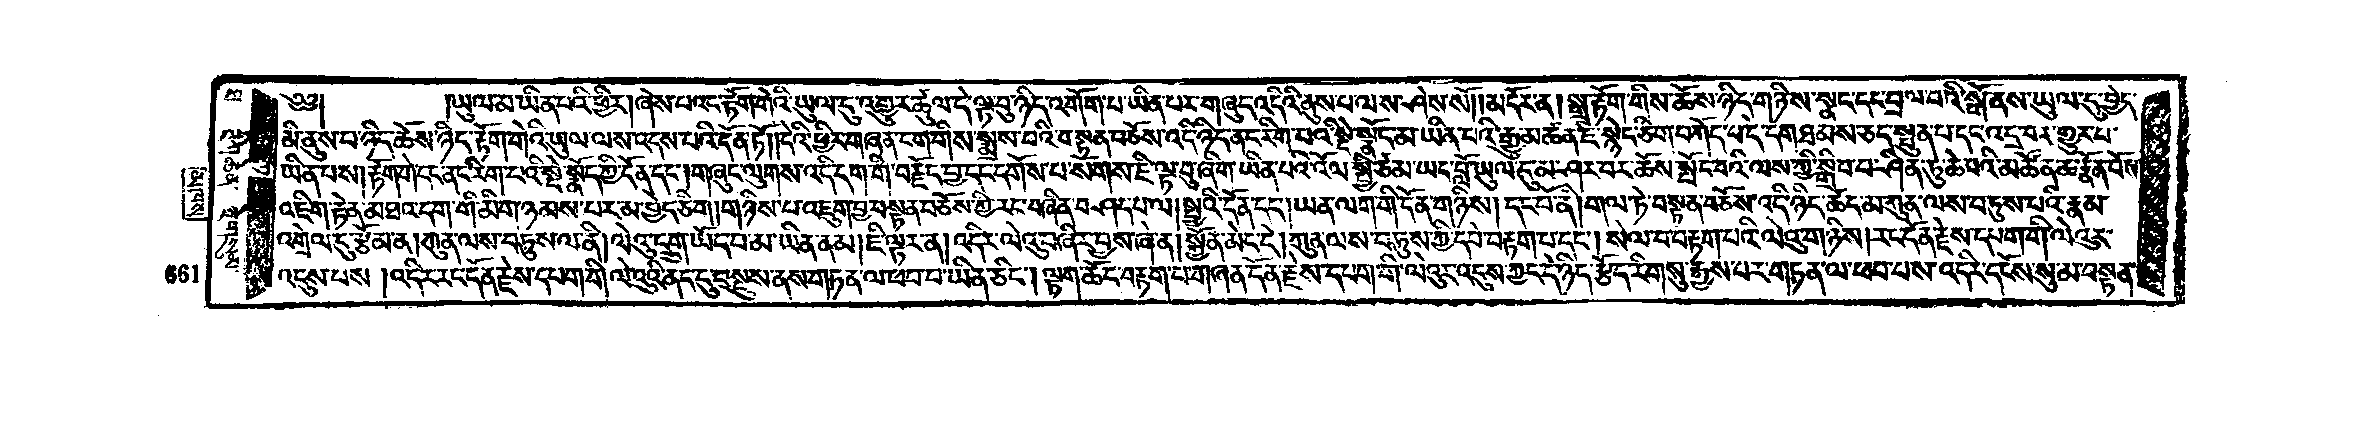༄༅། །ཡུལ་མ་ཡིན་པའི་ཕྱིར། ཞེས་པའང་རྟོག་གེའི་ཡུལ་དུ་འགྱུར་ཚུལ་དེ་ལྟ་བུ་ཉིད་འགོག་པ་ཡིན་པར་གཞུང་འདིའི་ནུས་པ་ལས་ཤེས་སོ། །མདོར་ན། སྒྲ་རྟོག་གིས་ཆོས་ཉིད་གཉིས་སྣང་དང་བྲལ་བའི་སྒོ་ནས་ཡུལ་དུ་བྱེད་
མི་ནུས་པ་ཉིད་ཆོས་ཉིད་རྟོག་གེའི་ཡུལ་ལས་འདས་པའི་དོན་ཏོ། །དེའི་ཕྱིར་གཞན་དག་གིས་སྨྲས་པའི་བསྟན་བཅོས་འདི་ཉིད་ནང་རིགས་པའི་སྡེ་སྣོད་མ་ཡིན་པའི་རྒྱུ་མཚན་ཇི་སྙེད་ཅིག་བཀོད་པ་དེ་དག་ཐམས་ཅད་སྤུན་པ་དང་འདྲ་བར་གྱུར་པ་
ཡིན་པས། རྟོག་གེ་དང་ནང་རིག་པའི་སྡེ་སྣོད་ཀྱི་དོན་དང་གཞུང་ལུགས་འདི་དག་གི་བརྗོད་བྱ་དང་དགོས་པ་སོགས་ཇི་ལྟ་བུ་ཞིག་ཡིན་པའི་འོལ་སྤྱི་ཙམ་ཡང་བློ་ཡུལ་དུ་མ་ཤར་བར་ཆོས་སྤོང་བའི་ལས་ཀྱི་སྒྲིབ་པ་ཤིན་ཏུ་ཆེ་བའི་མཚོན་ཆ་རྣོན་པོས་
འཇིག་རྟེན་མཐའ་དག་གི་མིག་ཉམས་པར་མ་བྱེད་ཅིག །གཉིས་པ་འཇུག་བྱ་བསྟན་བཅོས་ཀྱི་རང་བཞིན་བཤད་པ་ལ། སྤྱིའི་དོན་དང་། ཡན་ལག་གི་དོན་གཉིས། དང་པོ་ནི། གལ་ཏེ་བསྟན་བཅོས་འདི་ཉིད་ཚད་མ་ཀུན་ལས་བཏུས་པའི་རྣམ་
འགྲེལ་དུ་རྩོམ་ན། ཀུན་ལས་བཏུས་ལ་ནི། ལེའུ་དྲུག་ཡོད་པ་མ་ཡིན་ནམ། ཇི་ལྟར་ན། འདིར་ལེའུ་བཞིར་བྱས་ཞེ་ན། སྐྱོན་མེད་དེ། ཀུན་ལས་བཏུས་ཀྱི་དཔེ་བརྟག་པ་དང་། སེལ་བ་བརྟག་པའི་ལེའུ་གཉིས། རང་དོན་རྗེས་དཔག་གི་ལེའུར་
འདུས་པས། འདིར་རང་དོན་རྗེས་དཔག་གི་ལེའུའི་ནང་དུ་བསྡུས་ནས་གཏན་ལ་ཕབ་པ་ཡིན་ཅིང་། ལྟག་ཆོད་བརྟག་པ་གཞན་དོན་རྗེས་དཔག་གི་ལེའུར་འདུས་ཀྱང་དེ་ཉིད་རྩོད་རིགས་སུ་རྒྱས་པར་གཏན་ལ་ཕབ་པས་འདིར་དངོས་སུ་མ་བསྟན་